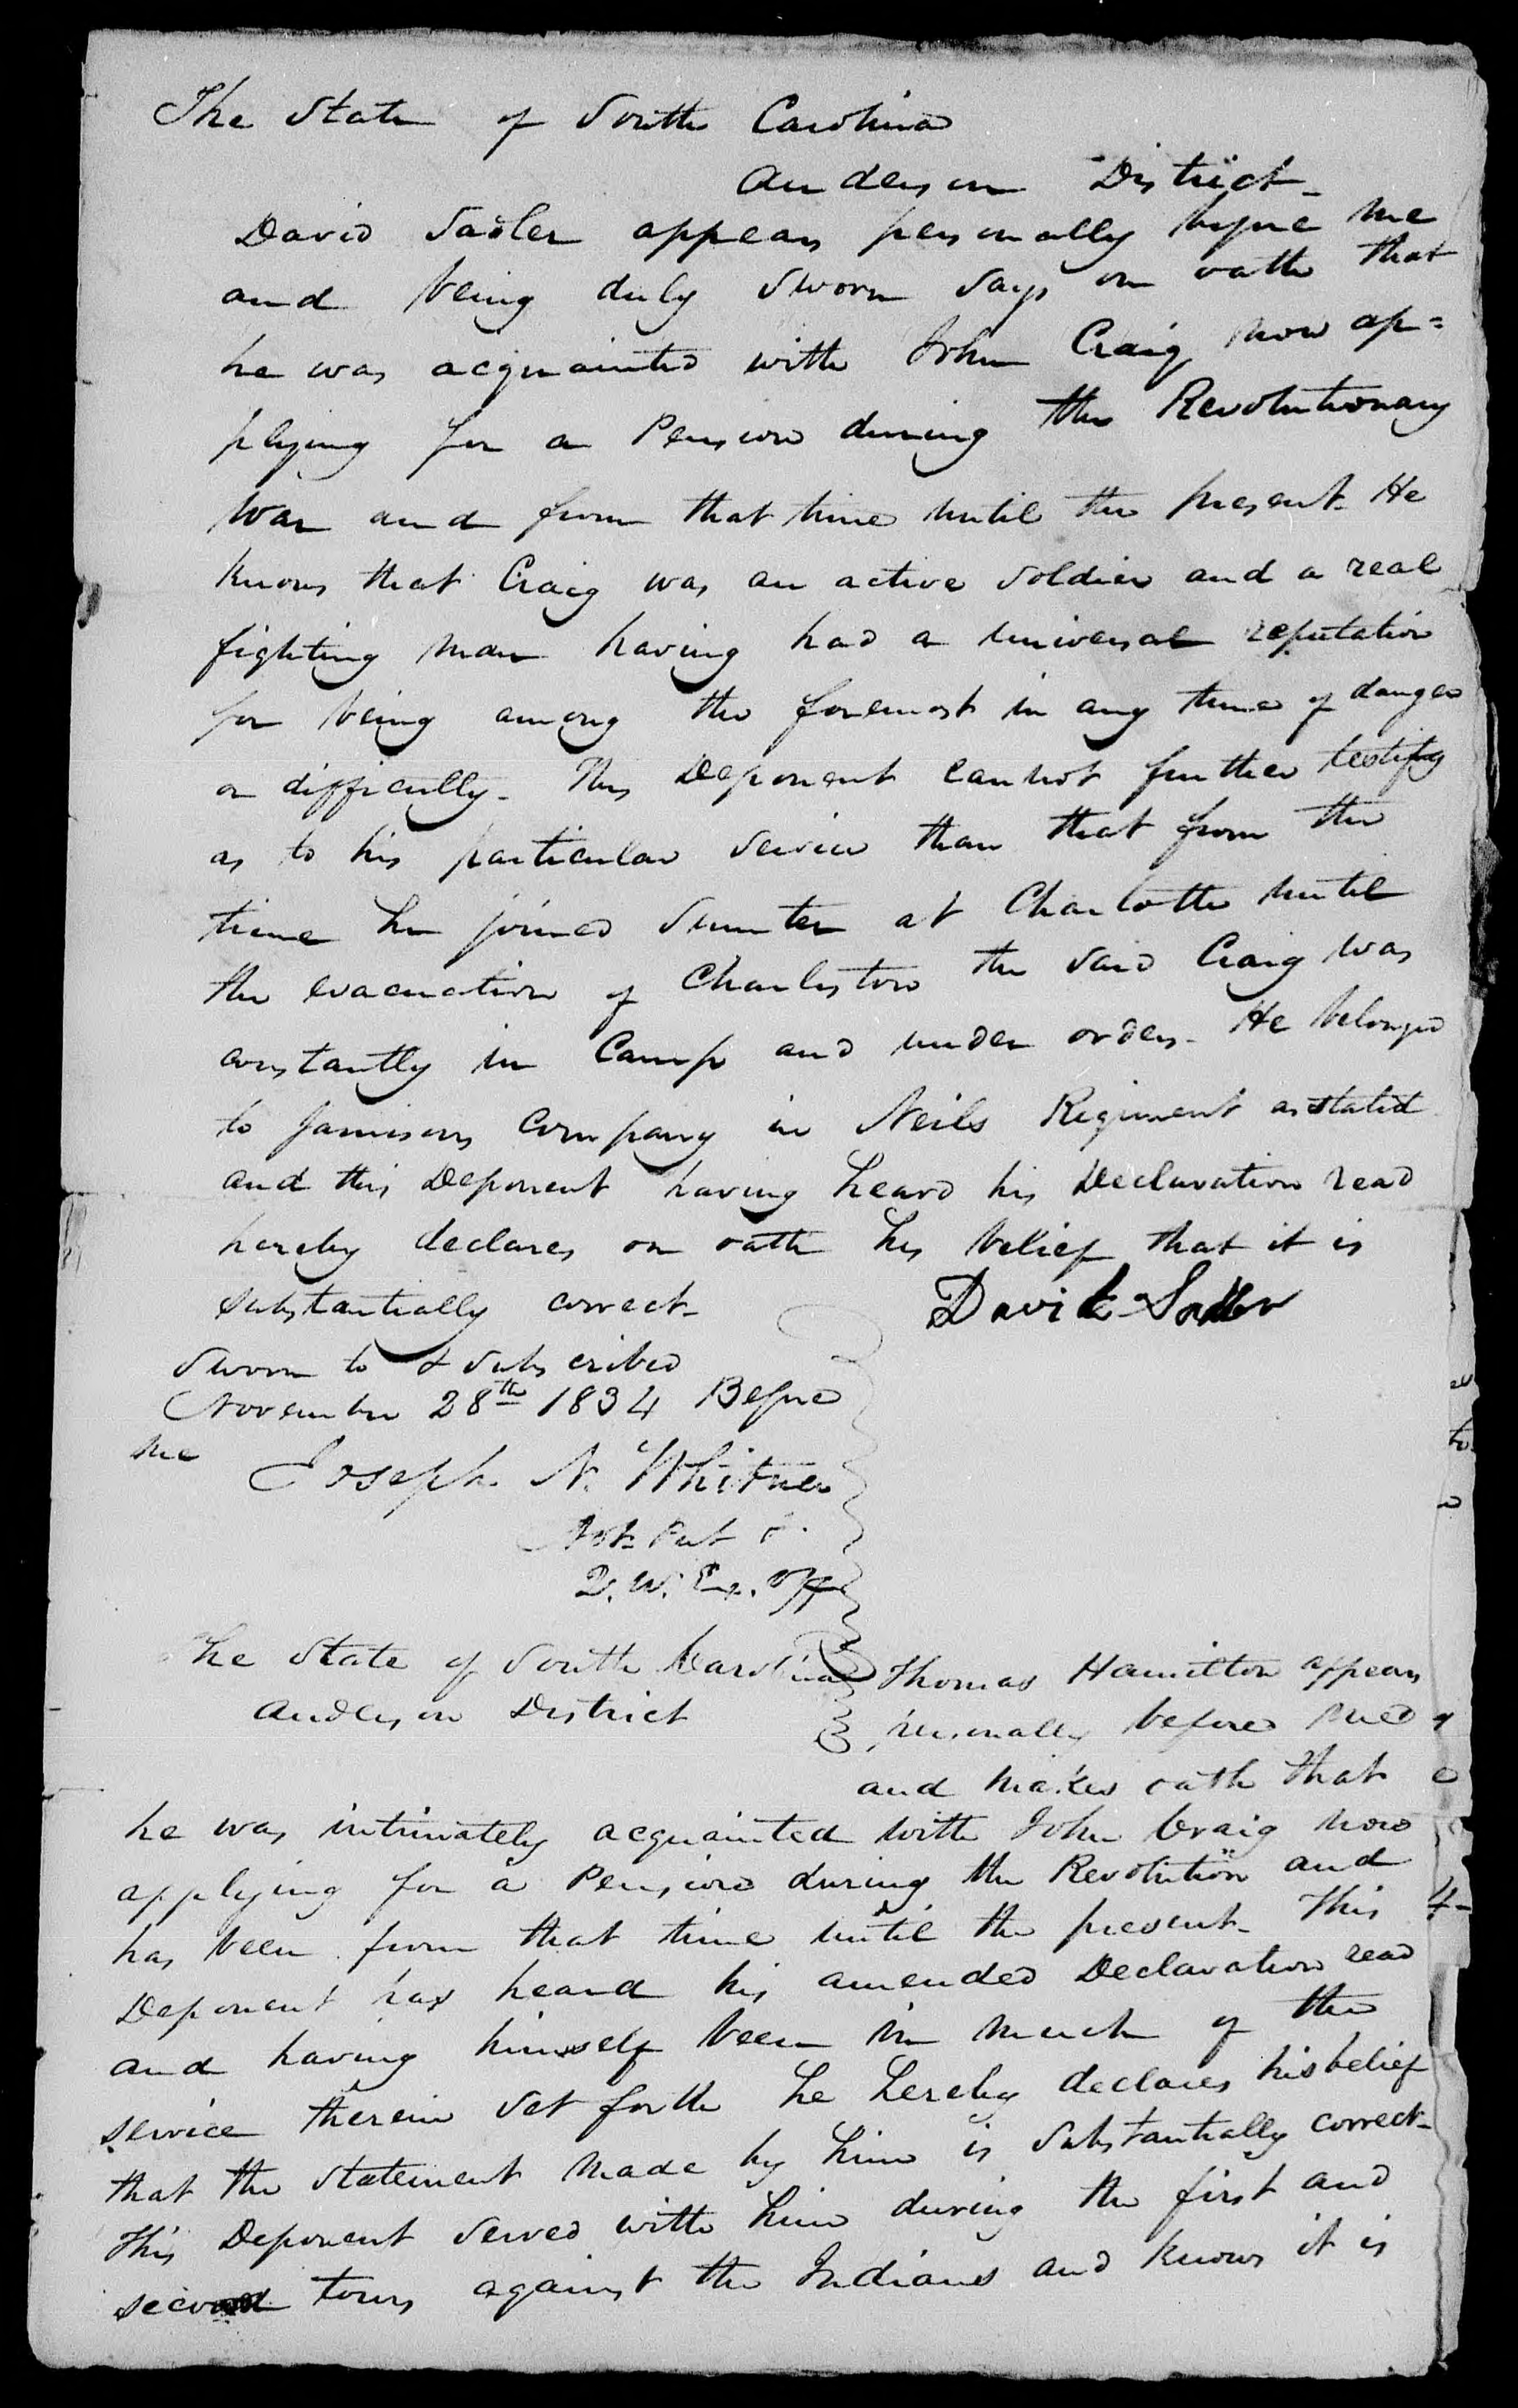The State of South Carolina

Anderson District
David Sadler appears personally before me and being duly sworn says
on oath that he was acquainted with John
Craig now applying for a Pension during the
Revolutionary war and from that time until the present. He knows that Craig was an active soldier and a real
fighting man having had a universal reputation
for being among
the foremost in any time of danger
or difficulty.
This Deponent cannot further testify
as to his particular service than that from
the time he joined Sumter at Charlotte until
the evacuation of Charleston
the said Craig was
constantly in Camp and under orders. He belonged to Jamisons Company in Neils Regiment as stated
and this Deponent having heard his Declaration read
hereby declares on oath his belief that it is
substantially correct.

David Sadler [signature]

Sworn to & subscribed
November 28th 1834 Before me
Joseph N. Whitner
Not. Pub. & Q. W. Ex. Off.

The State of South Carolina
Anderson District
Thomas Hamilton appears personally before me and makes oath that
he was intimately acquainted with John Craig now applying for a Pension during the Revolution and has been from that time until the present.
This Deponent has heard his amended Declaration read and having
himself been in much of the
service therein set forth he hereby declares his belief that the statement made by him is substantially correct.
Deponent served with him during the first and second tours against the Indians and knows it is
the
that
This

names: John Craig, Craig, Thomas Hamilton, David Sadler, Sumter, Craig, John Craig, Joseph N Whitner, David Sadler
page: 42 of 55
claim: widow's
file: W. 22864, John Craig, S.C. Born In Iceland